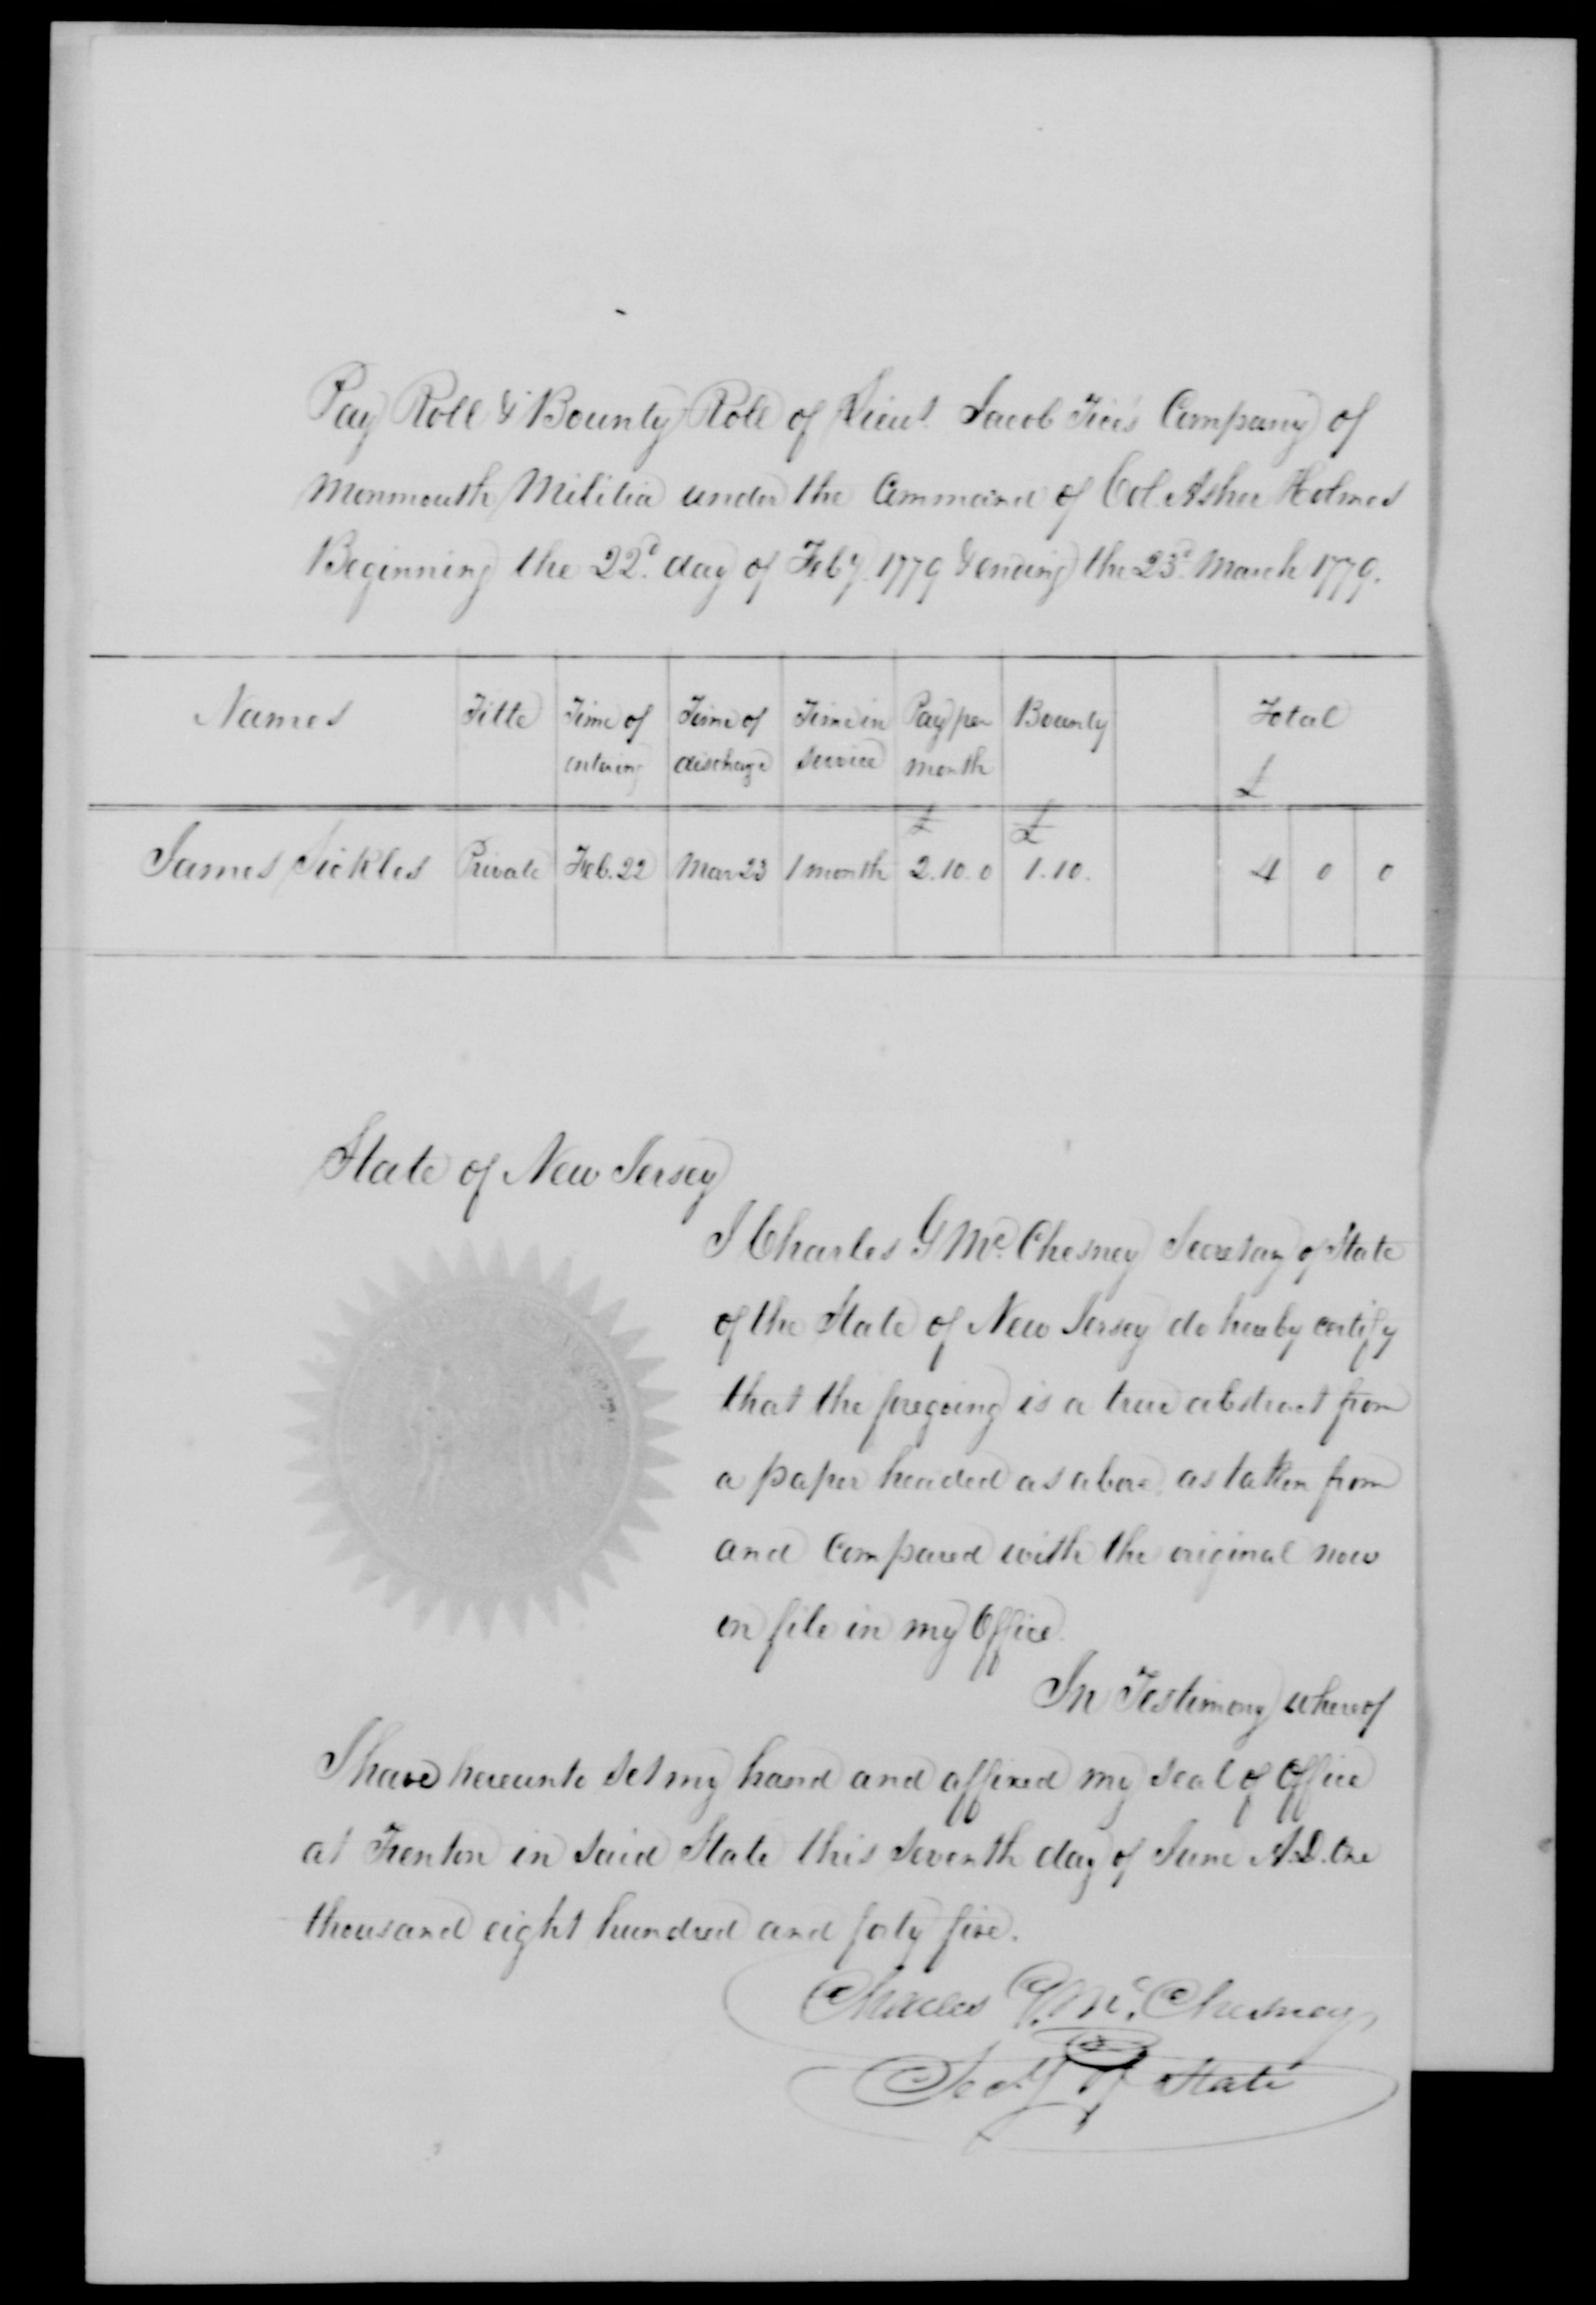Pay Roll & Bounty Roll of Lieut Jacob Tice's Company of Monmouth Militia under the Command of Col. Asher Holmes
Beginning the 22d day of Feby. 1779 & ending the 23d March 1779.
Names Title Time of entering Time of discharge Time in Service Pay per month Bounty Total
James Sickles Private Feb. 22 Mar 23 1 month 
L [symbol for British pounds] 2.10.0 L 1.10 L 4 0 0

State of New Jersey
I Charles G McChesney Secretary of State of the State of New Jersey do hereby certify that the foregoing is a true abstract from a paper headed as above, as taken from and compared with the original now on file in my Office.
In Testimony whereof
I have hereunto Set my hand and affixed my Seal of Office
at Trenton in Said State this Seventh day of June A.D. One thousand eight hundred and forty five.
Charles G. McChesney
Secy of State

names: Charles G Mc Chesney; John Holmes; James Sickles; Charles G Mc Chesney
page: 26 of 33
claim: survivor's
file: S. 4,841, for James Sickles, New Jersey